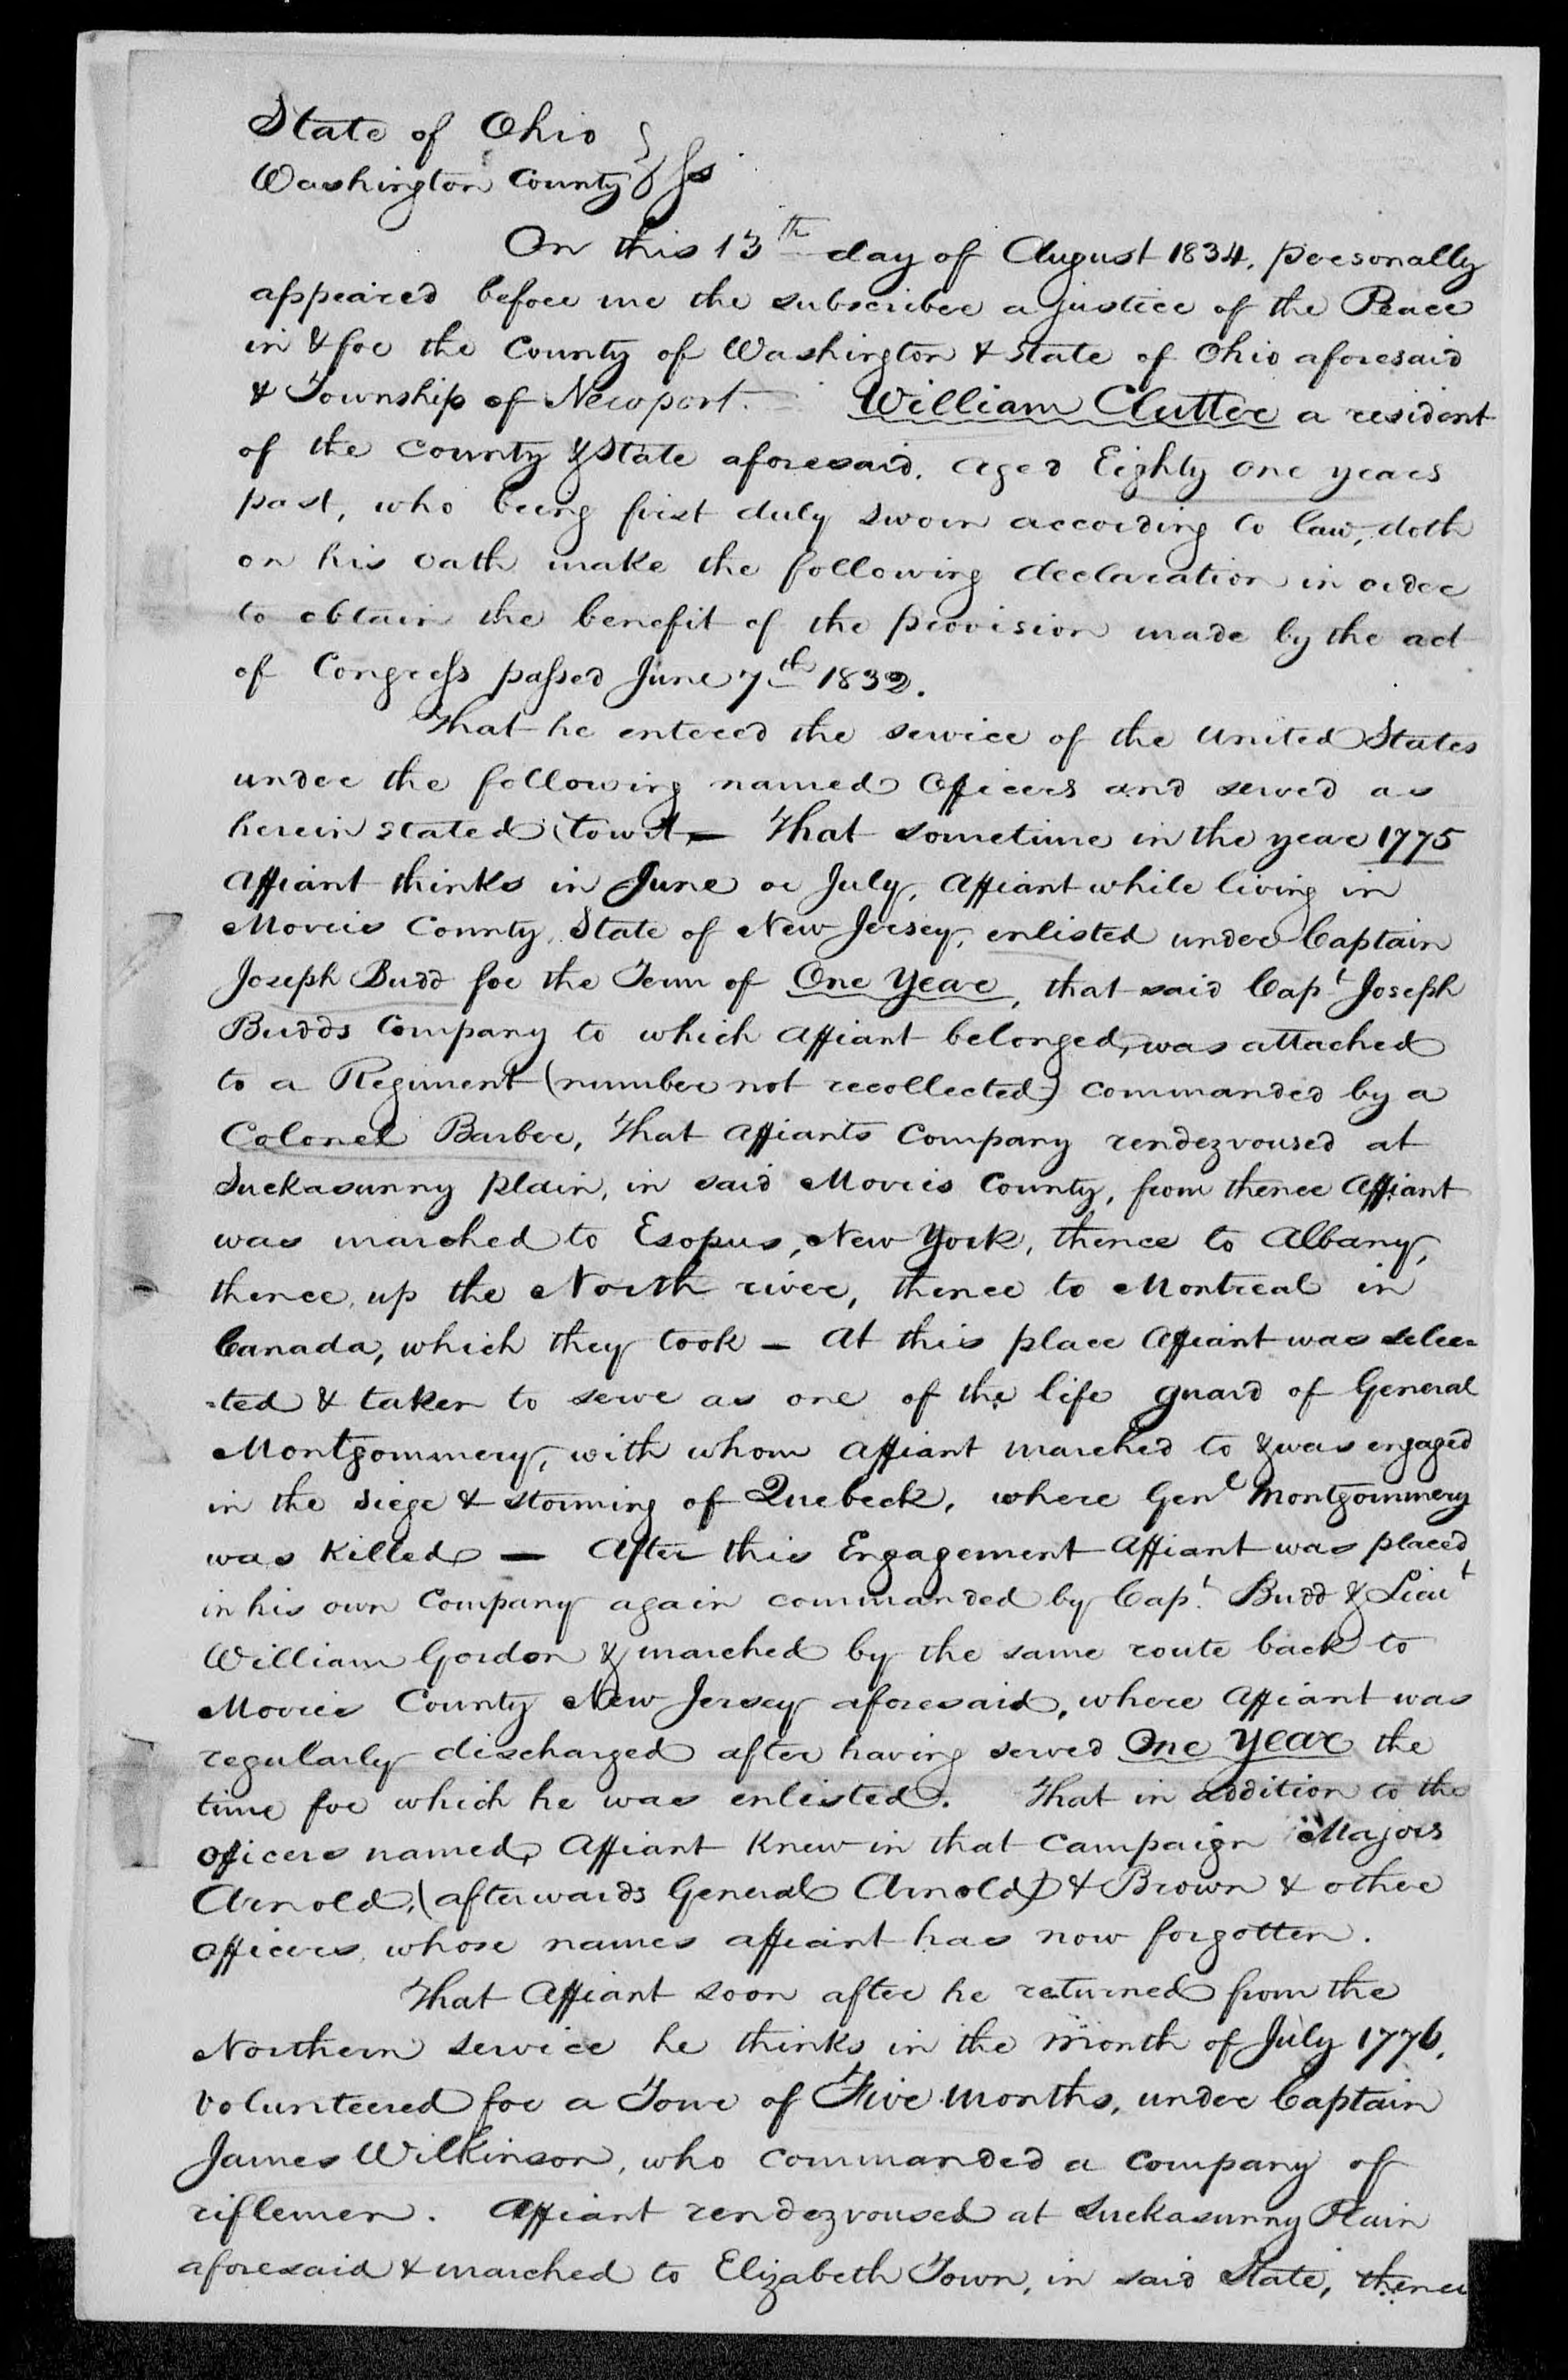State of Ohio
Washington County

On this 13th day of August 1834 personally appeared before me the subscriber a Justice of the Peace i n& for the county of Washington & state of Ohio aforesaid & township of Newport William Clutter a resident of the county & state aforesaid aged eighty-one years past who being first duly sworn according to law doth on his oath make the following declaration in order to obtain the benefit of the provision made by the act of Congress passed June 7th, 1832.

That he entered the service of the United States under the following named officers and served as herein stated to wit: That sometime in the year 1775 affiant thinks in June or July affiant while living in Morris County State of New Jersey enlisted under Captain Joseph Budd for the term of one year, that said Capt. Joseph Budd's company to which affiant belonged was attached to a regiment number not recollected commanded by a Colonel Barber. That affiants company rendezvoused at  Succasunna Plain in said Morris County from thence to Albany thence up to the North River thence to Montreal in Canada which they took - at this place affiant was selected & taken to serve as one of the life guards of General Montgomery with whom affiant marched & was engaged in the siege & storming of Quebec where Gen Montgomery was killed - after this engagement affiant was placed in his own company again commanded by Capt. Budd & Lieut. William Gordon & marched by the same route back to Morris County New Jersey aforesaid, where affiant was regularly discharged after having served one year the time for which he was enlisted. That in addition to the officers named, affiant knew in that campaign Major Arnold, afterwards General Arnold & Brown & other officers whose names affiant has now forgotten.

That affiant soon after he returned from the Northern Service he thinks in the month of July 1776 volunteered for a tour of five months under Captain James Wilkinson who commanded a company of riflemen. Affiant rendezvoused at Succasunna Plain aforesaid & marched to Elizabeth Town in said State thence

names: Arnold, Brown, Montgommery, Arnold, Joseph Budd, William Gordon, William Clutter, Budd, James Wilkinson, Barber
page: 2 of 35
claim: rejected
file: R. 2066, William Clutter, New Jersey